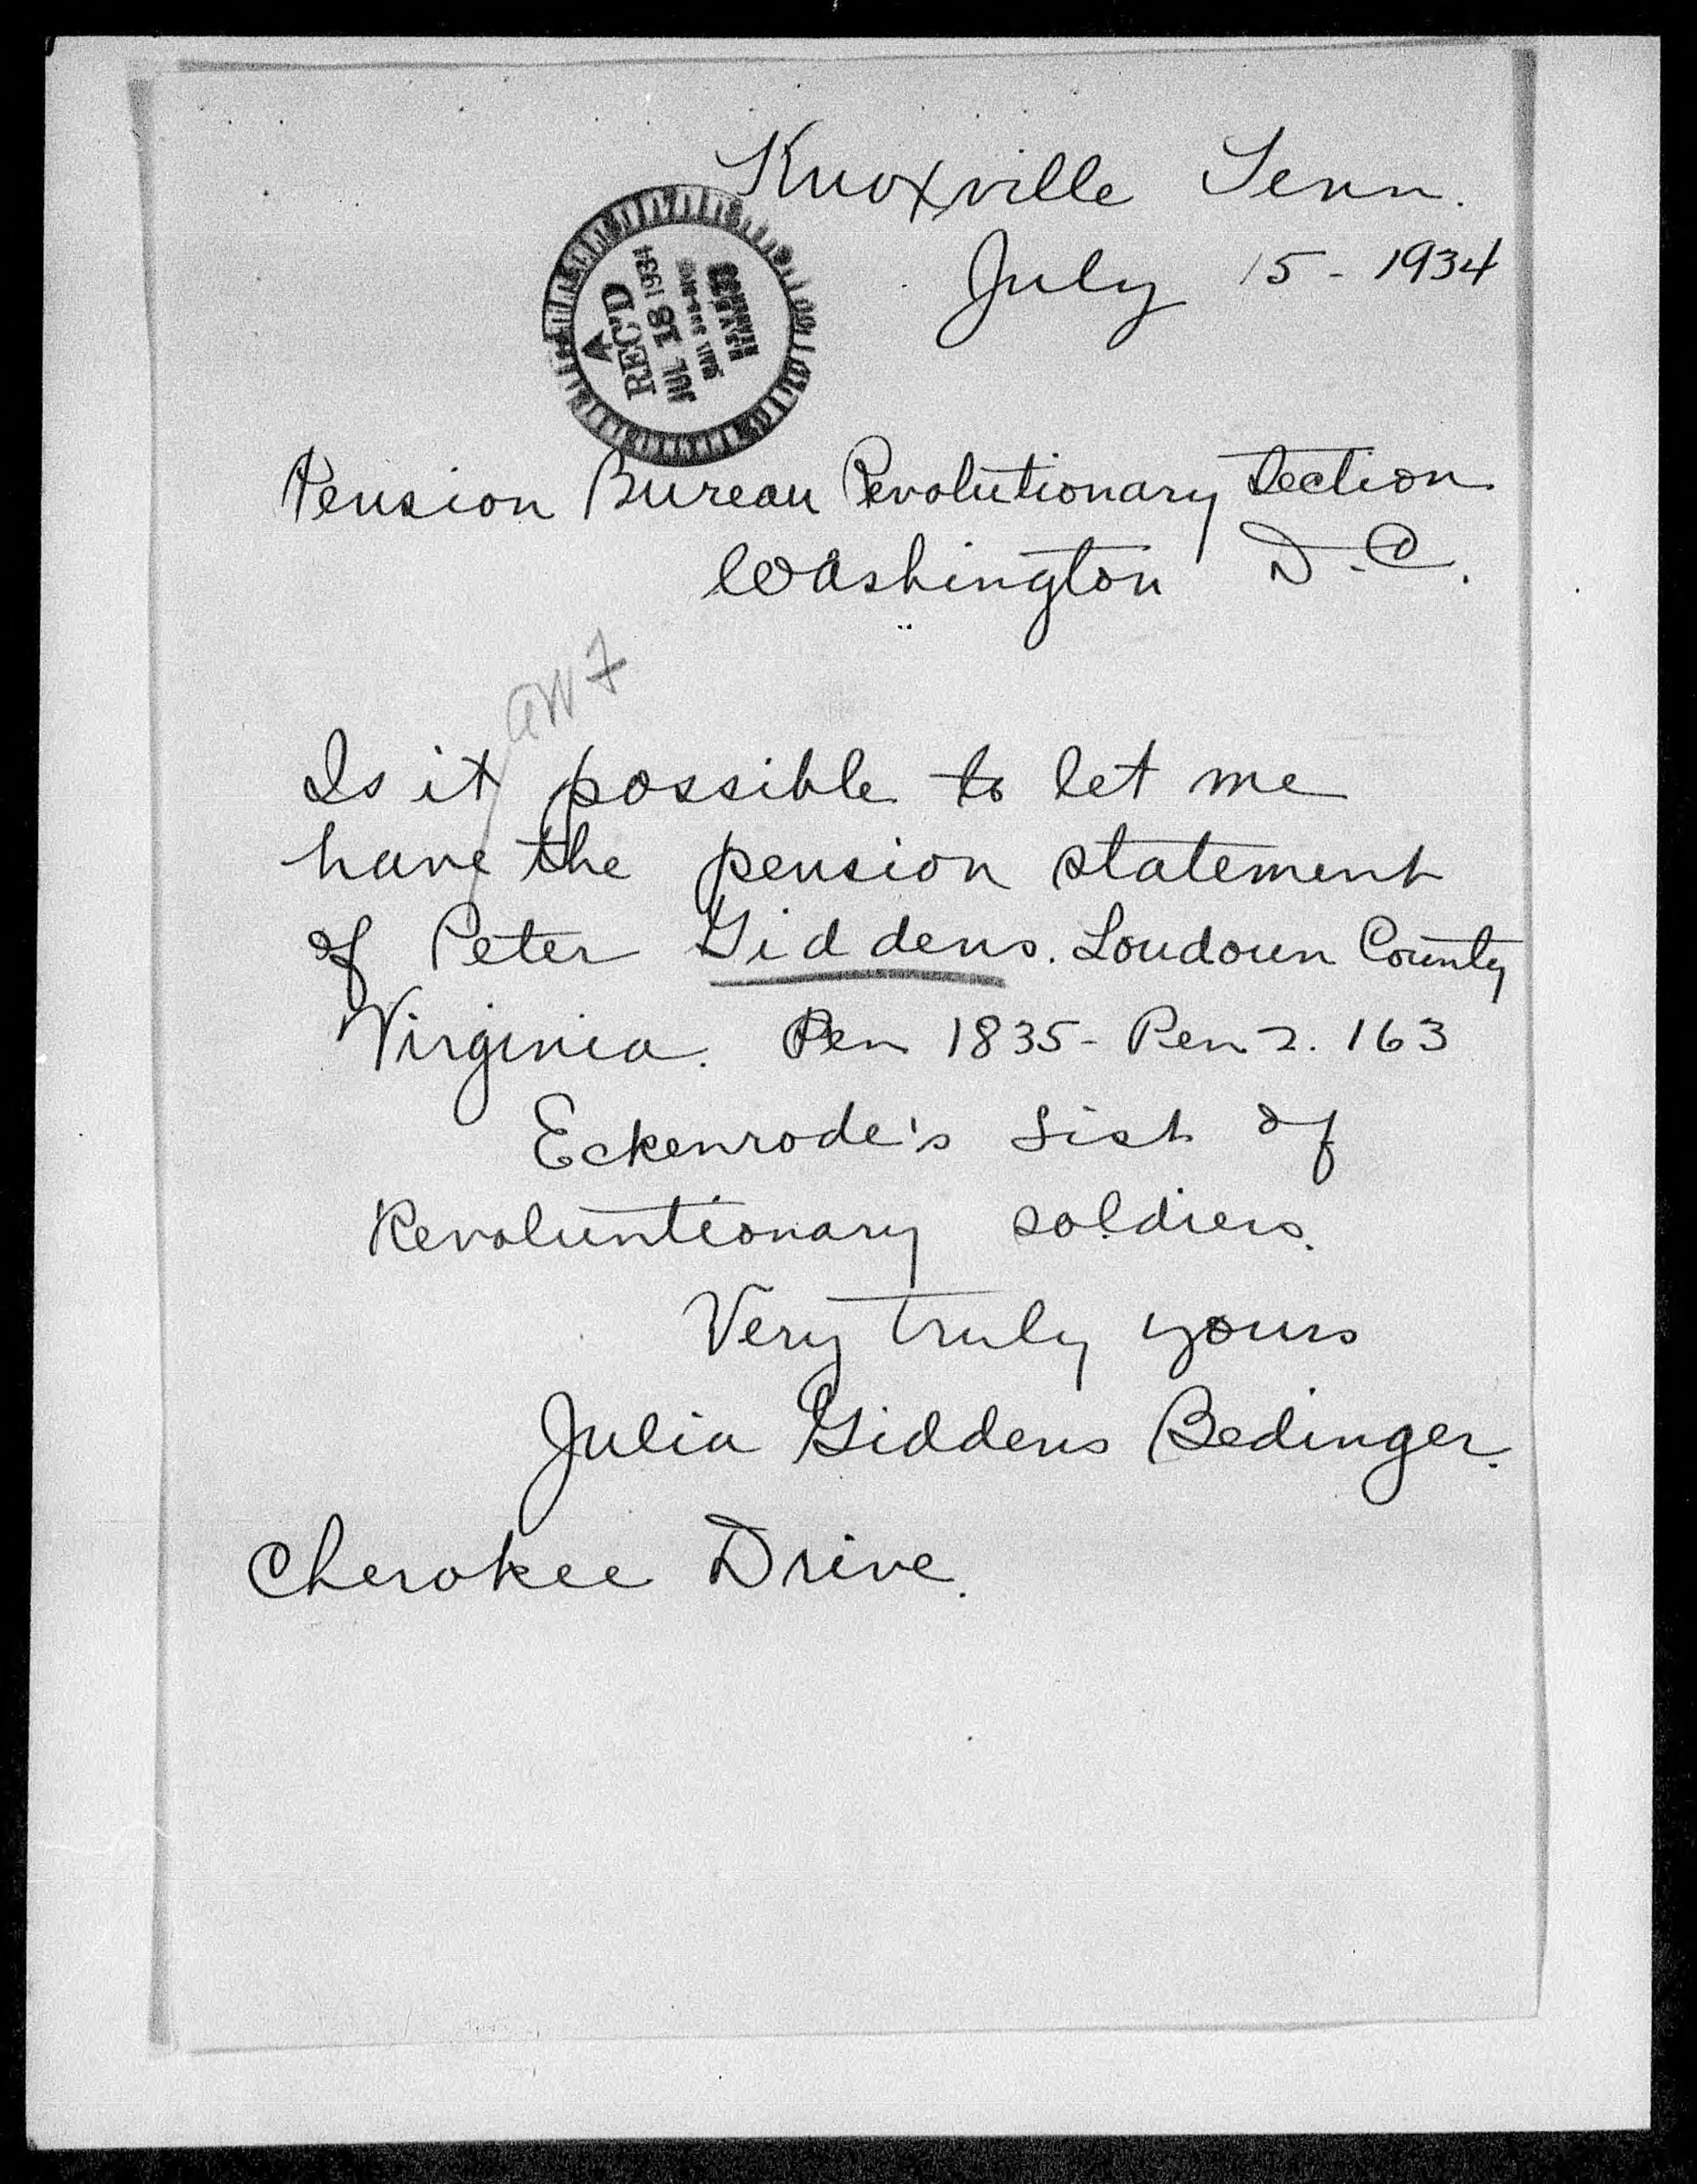[Stamped received Jul 18 1934]

Knoxville
Tenn
July 15, 1934

Pension Burean Revolutionary Section
Washington D.C.

Is it possible to let me have the
pension statement of Peter
Giddens, Loudoun County Virginia
Pen 1835 - Pen 2. 163
Eckenrode's List of Revoluntionary
soldiers
-
Very truly yours
Julia Giddens Bedinger
Cherokee Drive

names: Julia Giddens Bedinger, Peter Giddens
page: 44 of 64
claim: survivor's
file: S. 6887, Peter Gideon, Md.